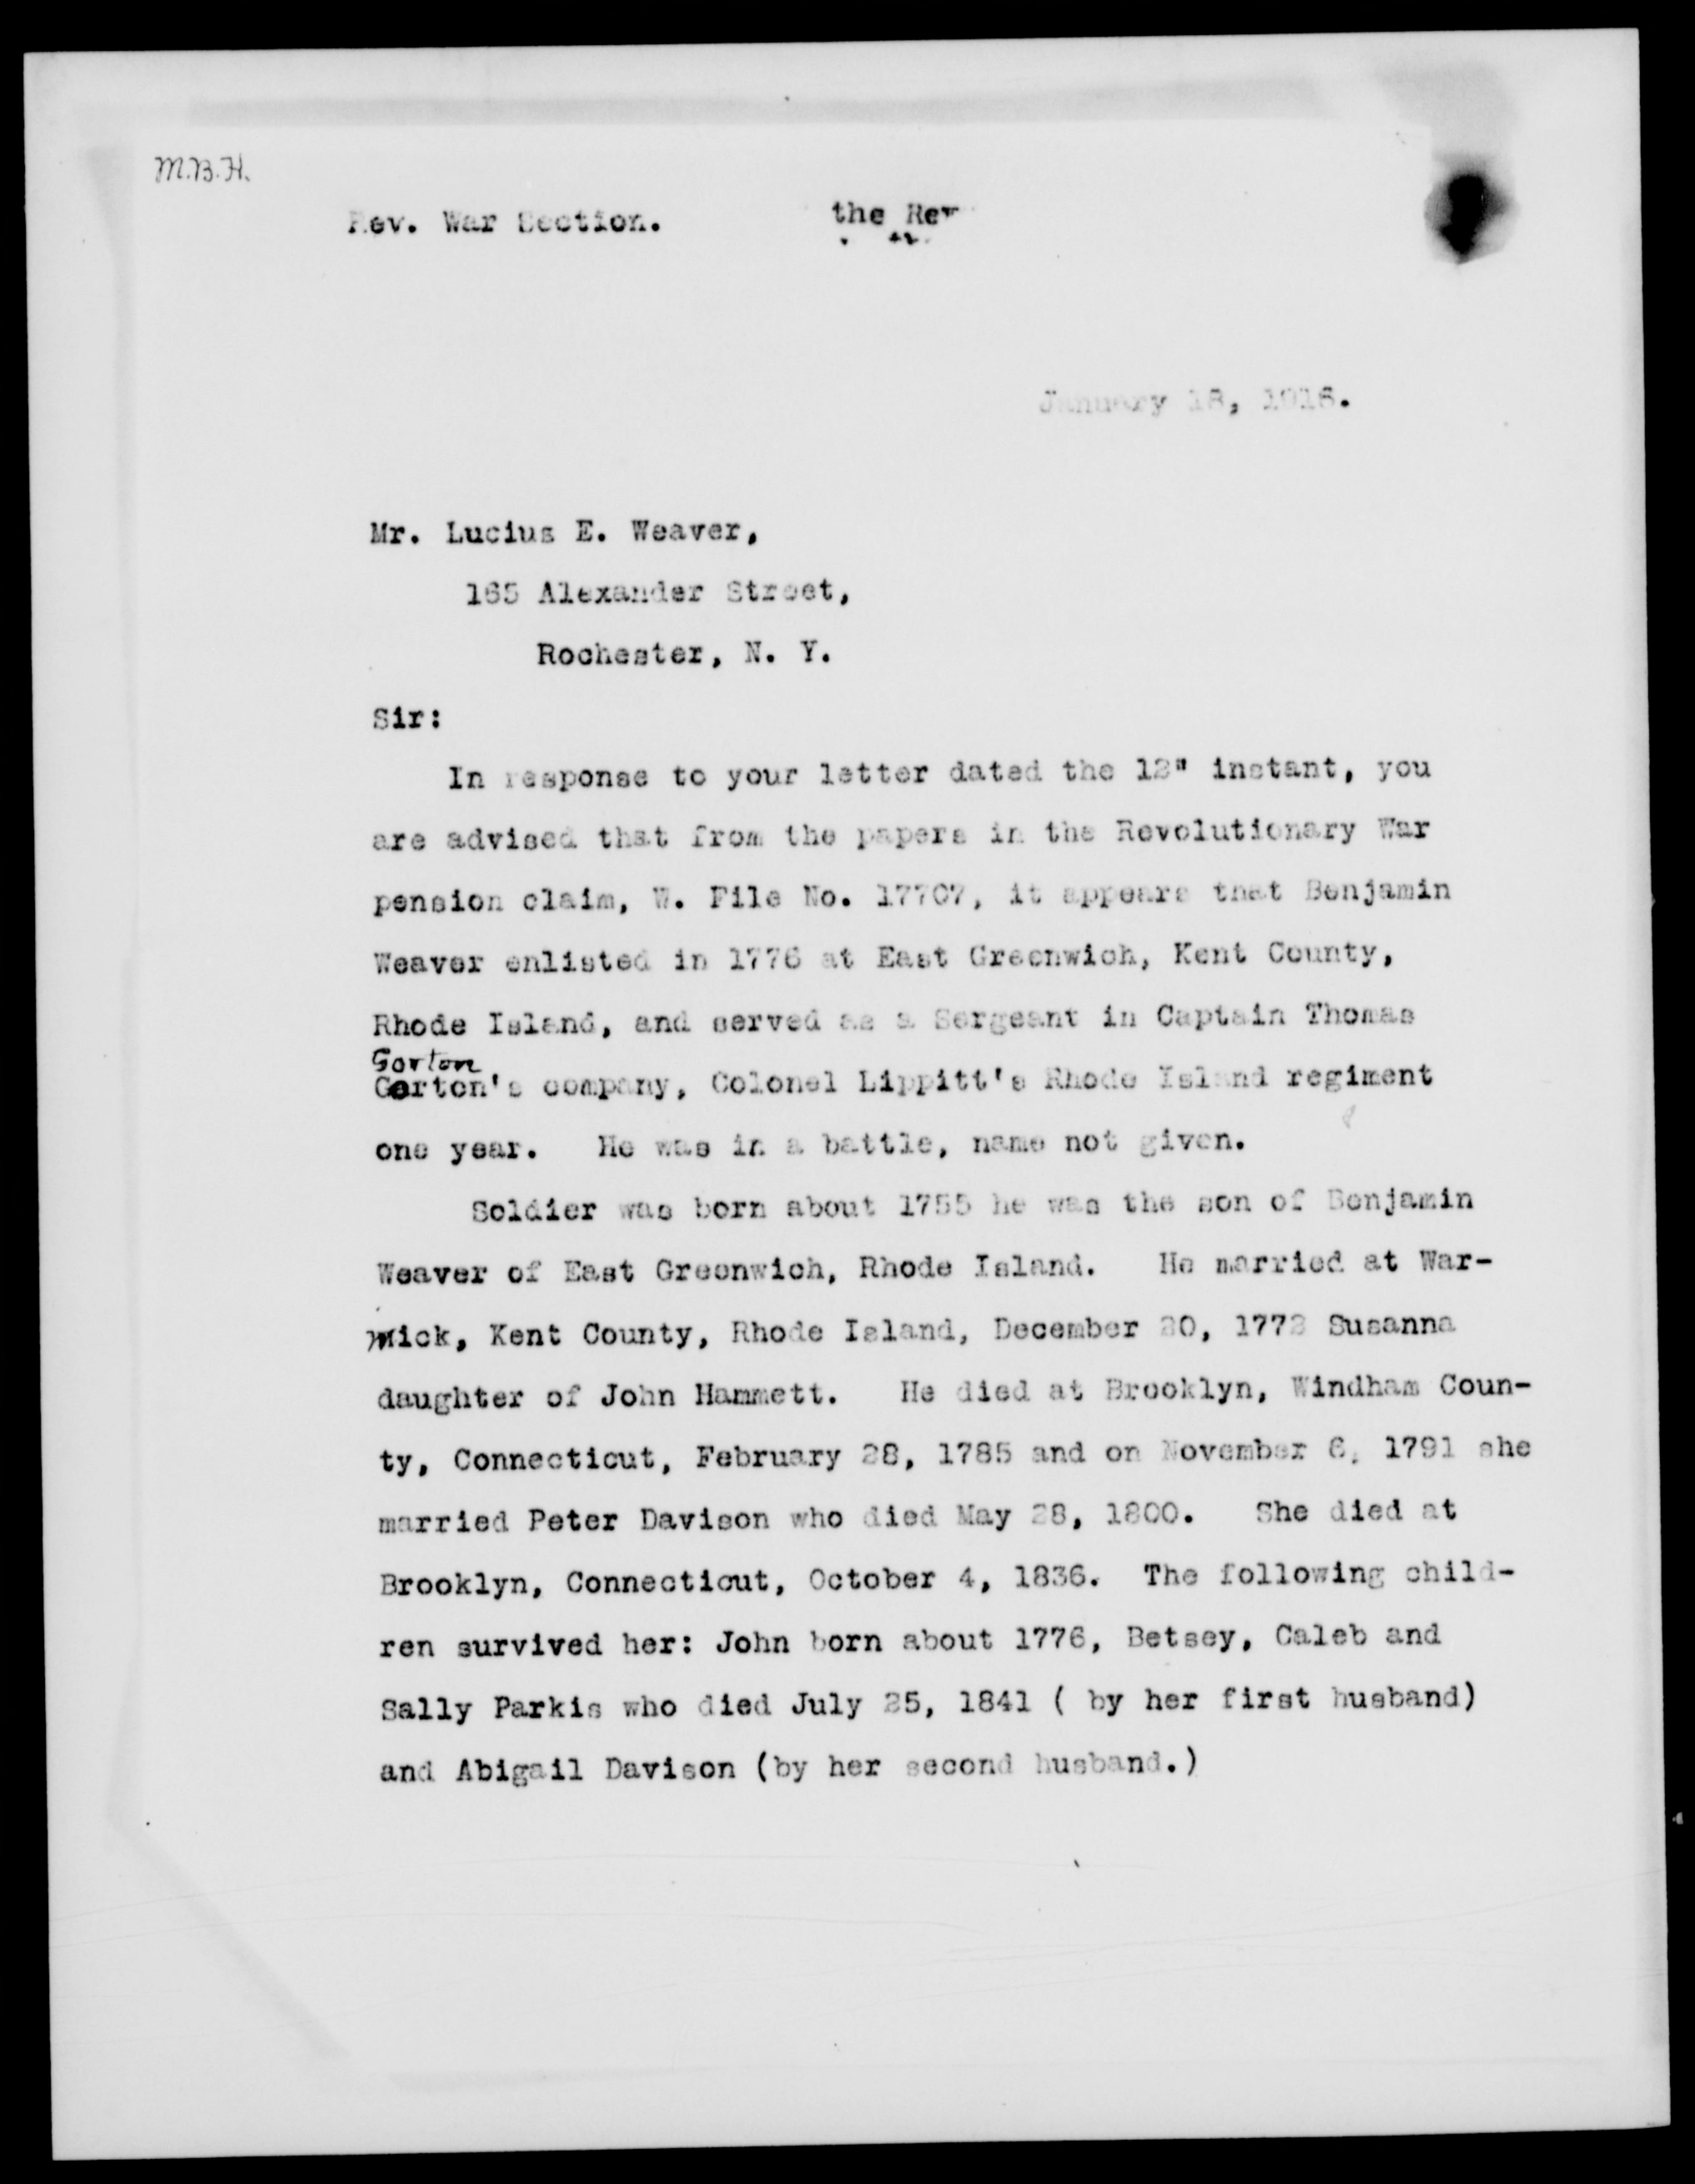Rev. War Section.      The Rev

January 18, 1916.

Mr. Lucius E. Weaver,
165 Alexander Street,
Rochester, N.Y.

Sir:

In response to your letter dated the 12” instant, you are advised that from the papers in the Revolutionary War pension claim, W. file 17701, it appears that Benjamin Weaver enlisted in 1776 at East Greenwich, Kent County, Rhode Island, and served as a Sergeant in Captain Thomas Gorton’s company, Colonel Lippitt’s Rhode Island regiment one year. He was in a battle, name not given.
Soldier was born about 1755 he was the son of Benjamin Weaver of East Greenwich, Rhode Island, He married at Warwick, Kent County, Rhode Island, December 20, 1773 Susanna daughter of John Hammett. He died at Brooklyn, Windham County, Connecticut, February 28, 1785 and on November 6, 1791 she married Peter Davison who died May 28, 1800. She died at Brooklyn, Connecticut, October 4, 1836. The following children survived her: John born 1776, Betsey, Caleb and Sally Parkis who died July 25, 1841 ( by her first husband ) and Abigail Davison ( by her second husband.)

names: Caleb, Susanna, John Hammett, Betsey, Benjamin Weaver, Abigail Davison, Lucius E Weaver, Peter Davison, Sally Parkis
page: 49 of 53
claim: widow's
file: W 17707, Benjamin Weaver, R.I.